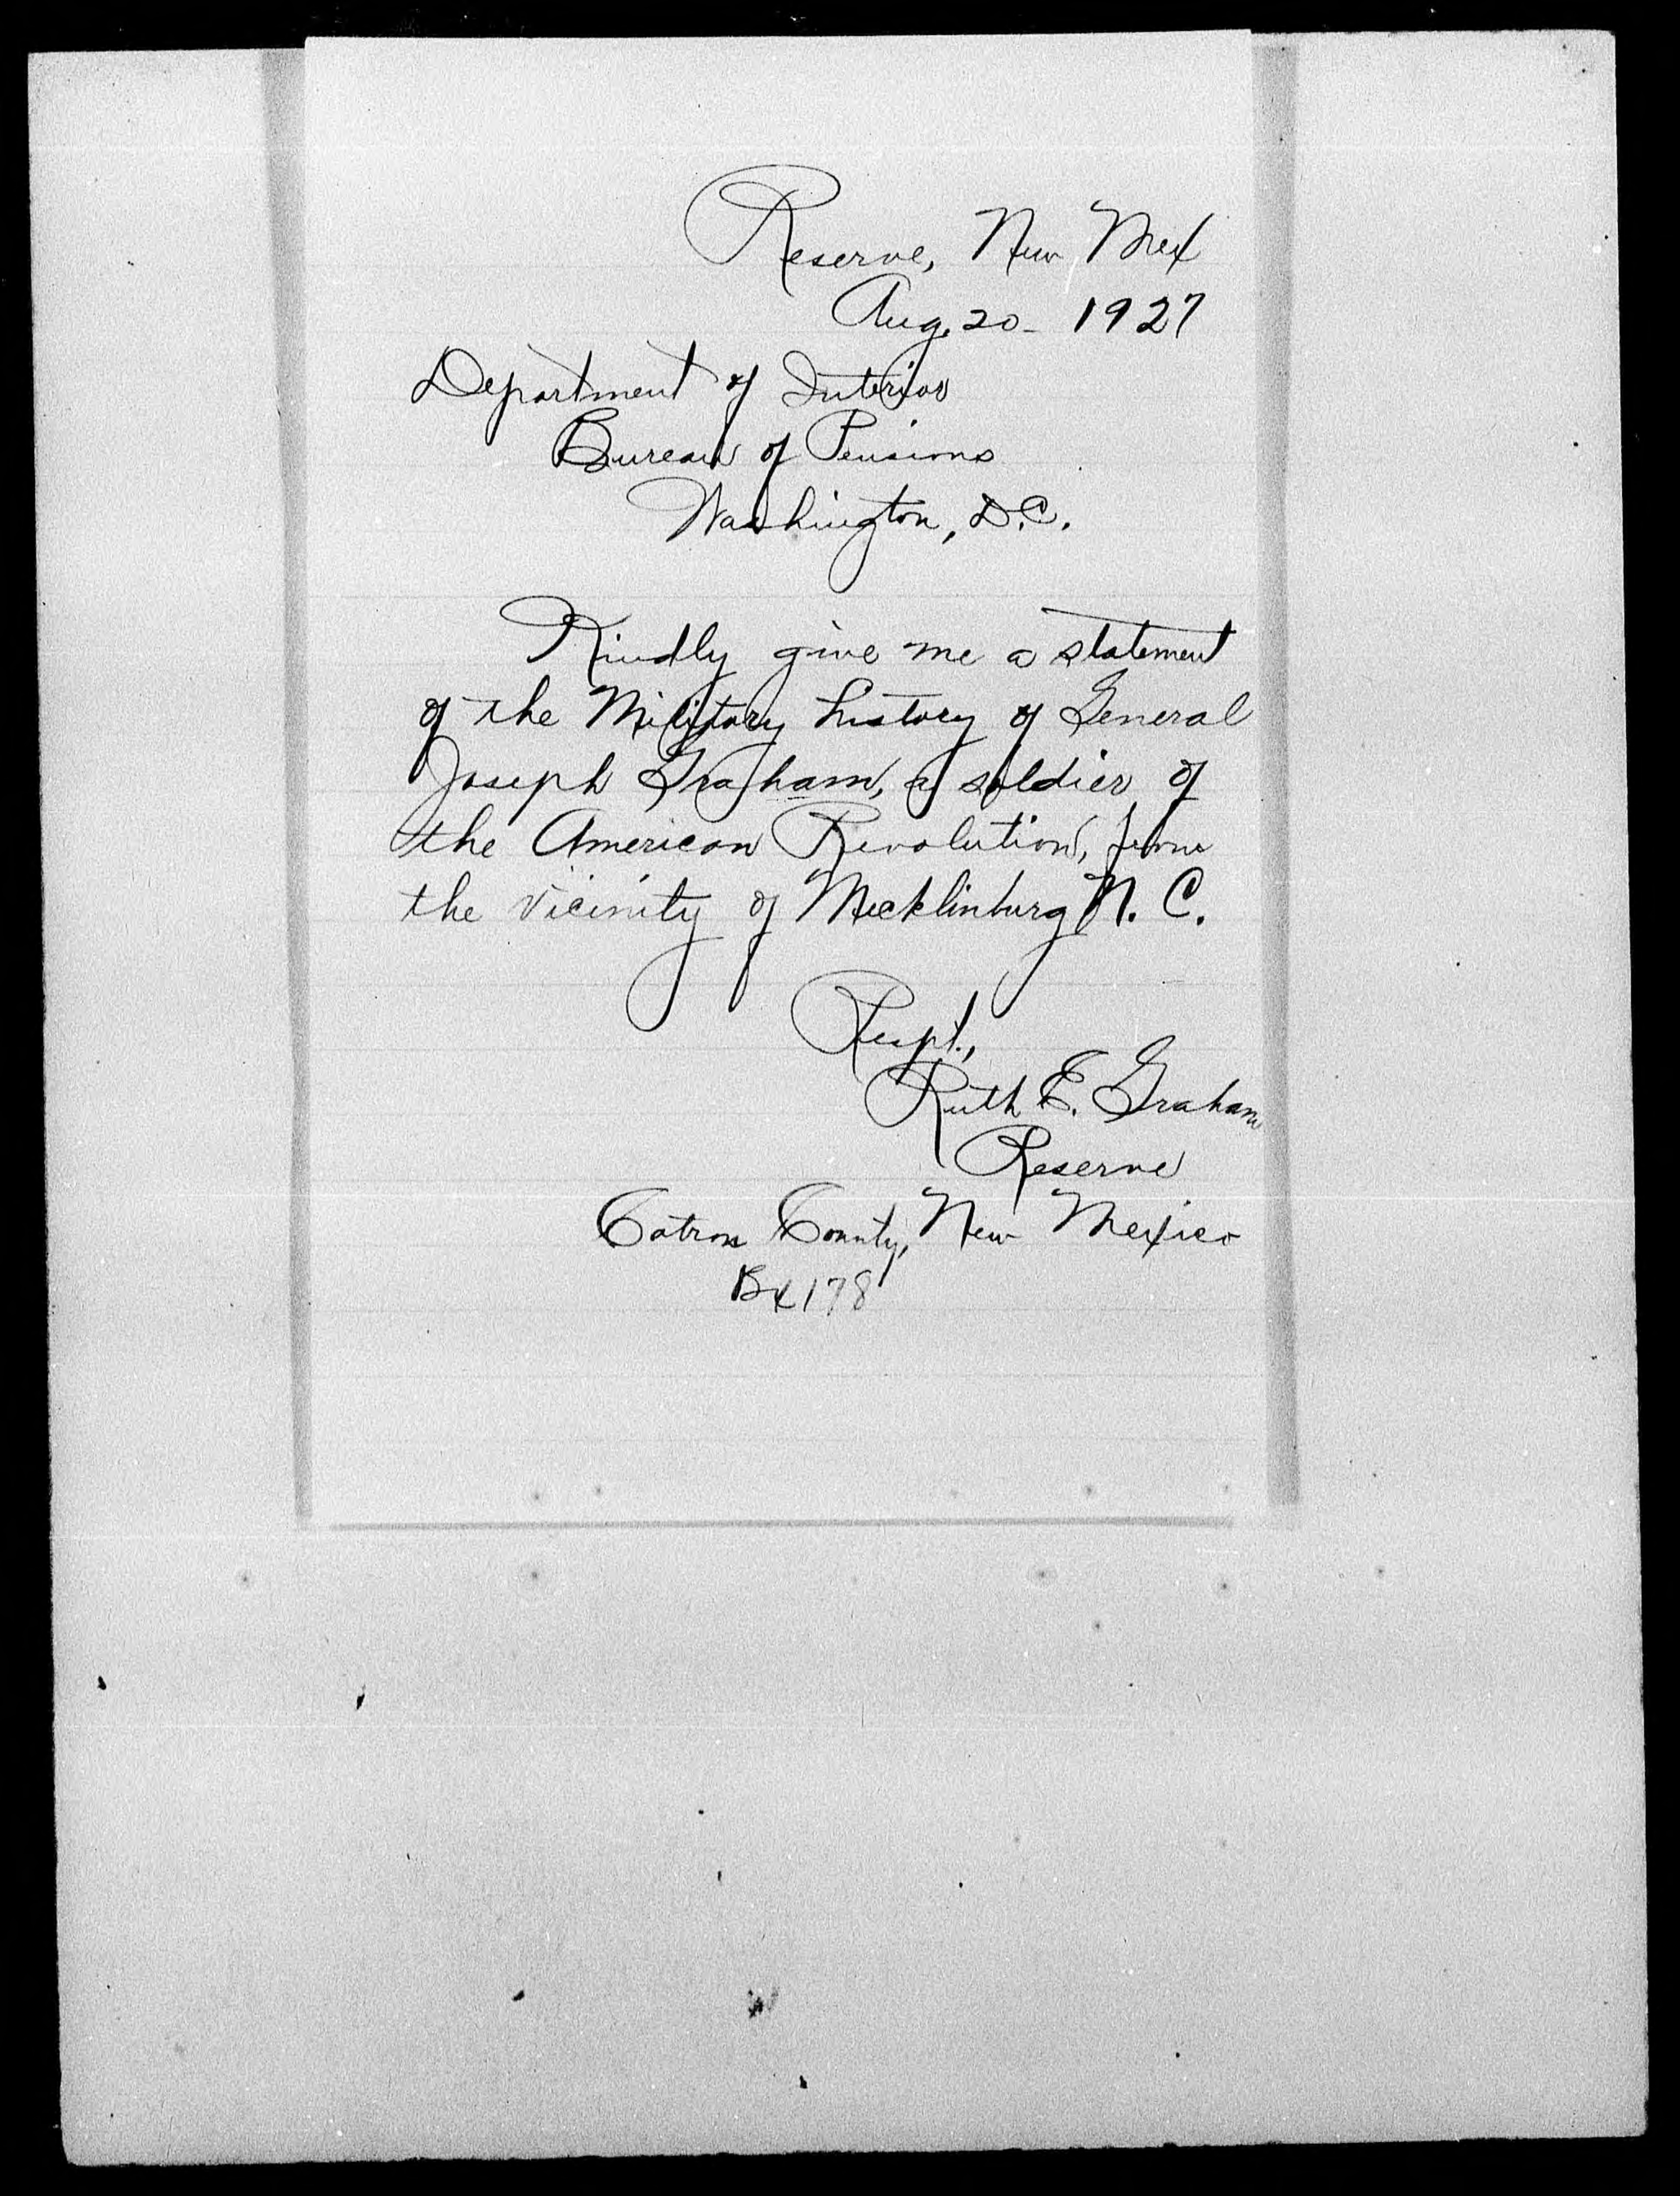Reserve, New Mex.
Aug. 20 - 1927

Department of Interior
Bureau of Pensions
Washington, D. C.

Kindly give me a sttementof the Military history of General Joseph Graham, a soldier of the American Revolution from the vicinity of Mecklinburg N.C.
Respt.
Ruth E. Graham
[Signature]
Reserve
Catron County
New Mexico
Bx 178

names: Ruth E Graham, Joseph Graham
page: 27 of 55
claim: survivor's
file: S. 6,937, Joseph Graham, N.C.